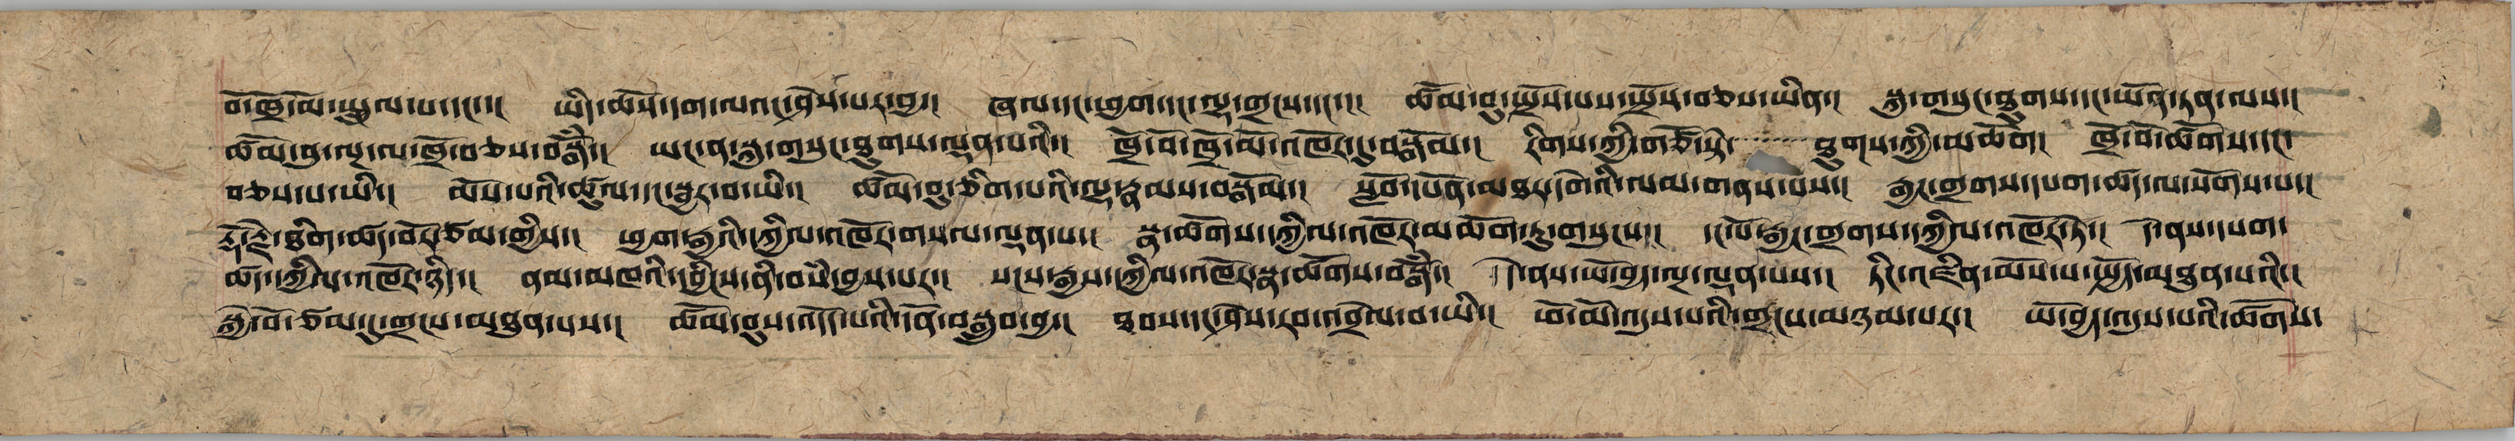བོ་ཁྲོ་མོ་སྤྲུལ་པ་དང་་། ཡིད་ཆོས་དག་ལའང་ཤེས་པར་བྱ་། ཞལ་དང་ཕྱག་དང་ལྷ་གྲངས་དང་།།། ཚོམ་བུ་སྤྲོས་པས་སྤྲོས་བཅས་ཡིན་། སྐུ་གསུང་ཐུགས་དང་ཡོན་ཏན་ལས་།
ཚོམ་བུ་ལྔ་ལ་ཁྲོ་བཅས་བསྒོཾ་། ཡང་ན་སྐུ་གསུང་ཐུགས་ལྡན་པའི་། ཁྲོ་བོ་ཁྲོ་མོ་འཁོར་དུ་བསྒོམ་། རིགས་ཀྱི་གཙོ་སྟེ་་་་་་་ཐུགས་ཀྱི་མཆོག། ཁྲོ་བོ་ཚོགས་དང་
བཅས་པ་ཡི་། མོས་པའི་ཚུལ་དང་སྦྱར་བ་ཡི་། ཚོམ་བུ་ཅིག་པའི་ལྷ་རྣམས་བསྒོམ་། སློབ་དཔོན་མཐར་དགེའི་ལམ་གནས་པས་། རྒྱང་གྲགས་དཔག་ཚད་ལ་སོགས་པ་།
རྡོ་རྗེ་ཐིག་ཚད་བོར་ཙམ་གྱིས་། ཕྱག་རྒྱའི་དཀྱིལ་འཁོར་གསལ་ལྡན་པ་། སྣ་ཚོགས་དཀྱིལ་འཁོར་མཆོག་ཏུ་གསུངས་། དང་པོ་རྒྱང་གྲགས་དཀྱིལ་འཁོར་ཏེ་། དེ་ནས་དཔག་
ཚད་དཀྱིལ་འཁོར་ཉིད་། ནམ་མཁའི་དབྱིངས་ནི་བསཾ་བྱས་པར་། སངས་རྒྱས་དཀྱིལ་འཁོར་སྣ་ཚོགས་བསྒོཾ་། དེ་ནས་ཡོ་བྱད་ལྔ་ལྡན་པས་། ཏིང་འཛིན་མོས་པ་སྤྱོད་མཐུན་པའི་།
སྐྱེ་བོ་ཙམ་དུ་གྲངས་མཐུན་པས་། ཚོམ་བུས་འདོད་པའི་དོན་བསྒྲུབ་བྱ་། ཐབས་དང་ཤེས་རབ་འབྲེལ་བ་ཡི་། ཕོ་མོ་འདུས་པའི་གྲངས་མཉམ་པར་། ཡོ་བྱད་འདུས་པའི་ཚོགས་